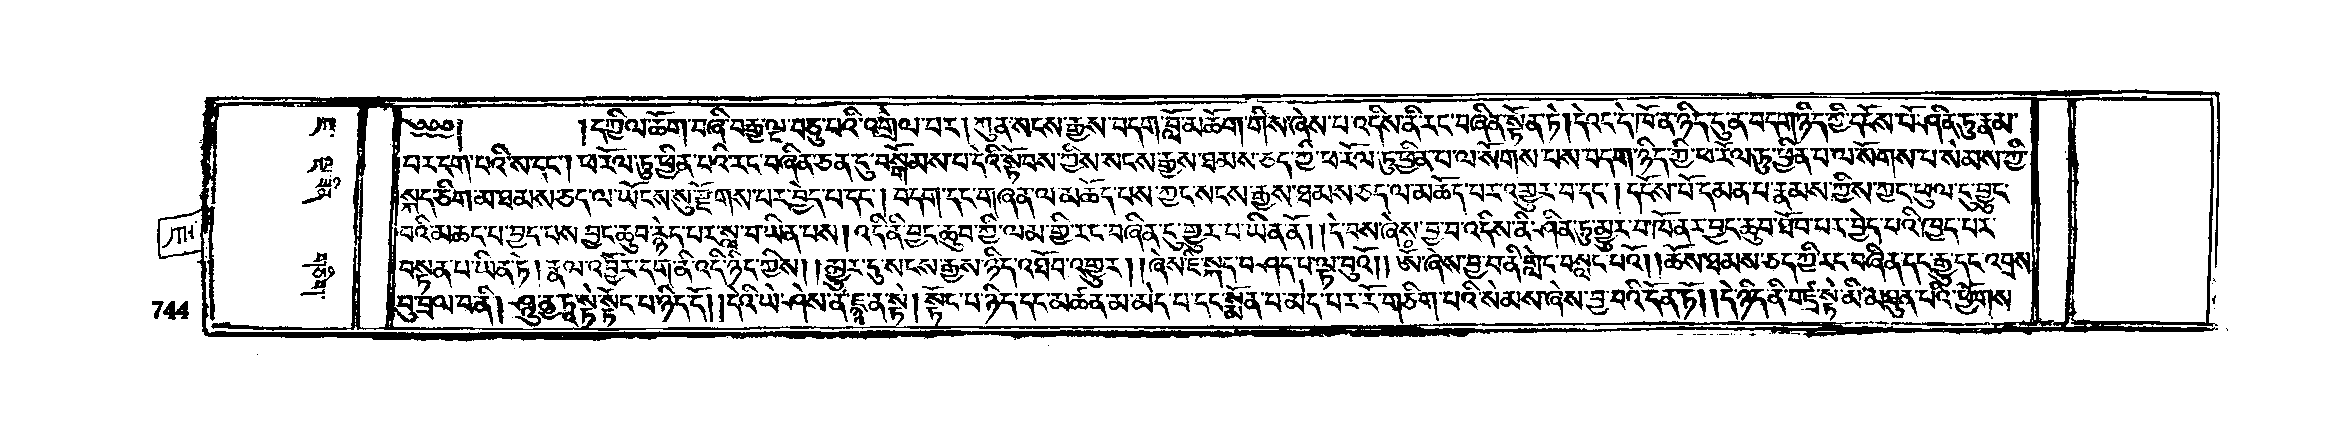༄༅༅། །དཀྱིལ་ཆོག་བཞི་བརྒྱ་ལྔ་བཅུ་པའི་འགྲེལ་པར། ཀུན་སངས་རྒྱས་བདག་བློ་མཆོག་གིས་ཞེས་པ་འདིས་ནི་རང་བཞིན་སྟོན་ཏེ། དེའང་དེ་ཁོ་ན་ཉིད་དུ་ན་བདག་ཉིད་ཀྱི་དངོས་པོ་ཤིན་ཏུ་རྣམ་
པར་དག་པའི་ས་དང་། ཕ་རོལ་ཏུ་ཕྱིན་པའི་རང་བཞིན་ཅན་དུ་བསྒོམས་པ་དེའི་སྟོབས་ཀྱིས་སངས་རྒྱས་ཐམས་ཅད་ཀྱི་ཕ་རོལ་ཏུ་ཕྱིན་པ་ལ་སོགས་པས་བདག་ཉིད་ཀྱི་ཕ་རོལ་ཏུ་ཕྱིན་པ་ལ་སོགས་པ་སེམས་ཀྱི་
སྐད་ཅིག་མ་ཐམས་ཅད་ལ་ཡོངས་སུ་རྫོགས་པར་བྱེད་པ་དང་། བདག་དང་གཞན་ལ་མཆོད་པས་ཀྱང་སངས་རྒྱས་ཐམས་ཅད་ལ་མཆོད་པར་འགྱུར་བ་དང་། དངོས་པོ་དམན་པ་རྣམས་ཀྱིས་ཀྱང་ཕུལ་དུ་བྱུང་
བའི་མཆད་པ་བྱད་པས་བྱང་ཆུབ་རྙེད་པར་སླ་བ་ཡིན་པས། འདི་ནི་བྱང་ཆུབ་ཀྱི་ལམ་གྱི་རང་བཞིན་དུ་གྱུར་པ་ཡིན་ནོ། །དེ་བས་ཞེས་བྱ་བ་འདིས་ནི་ཤིན་ཏུ་མྱུར་བ་ཁོ་ནར་བྱང་ཆུབ་ཐོབ་པར་བྱེད་པའི་ཁྱད་པར་
བསྟན་པ་ཡིན་ཏེ། རྣལ་འབྱོར་དག་ནི་འདི་ཉིད་ཀྱིས། །མྱུར་དུ་སངས་རྒྱས་ཉིད་འཐོབ་འགྱུར། །ཞེས་ཇི་སྐད་བཤད་པ་ལྟ་བུའོ། །ཨོཾ་ཞེས་བྱ་བ་ནི་གླེང་བསླང་པའོ། །ཆོས་ཐམས་ཅད་ཀྱི་རང་བཞིན་དང་རྒྱུ་དང་འབྲས་
བུ་བྲལ་བ་ནི། ཤཱུ་ནྱ་ཏཱ་སྟེ་སྟོང་པ་ཉིད་དེ། །དེའི་ཡེ་ཤེས་ནི་ཛྙཱ་ན་སྟེ། སྟོང་པ་ཉིད་དང་མཚན་མ་མེད་པར་དང་སྨོན་པ་མེད་པར་རོ་གཅིག་པའི་སེམས་ཞེས་བྱ་བའི་དོན་ཏོ། །དེ་ཉིད་ནི་བཛྲ་སྟེ་མི་མཐུན་པའི་ཕྱོགས་